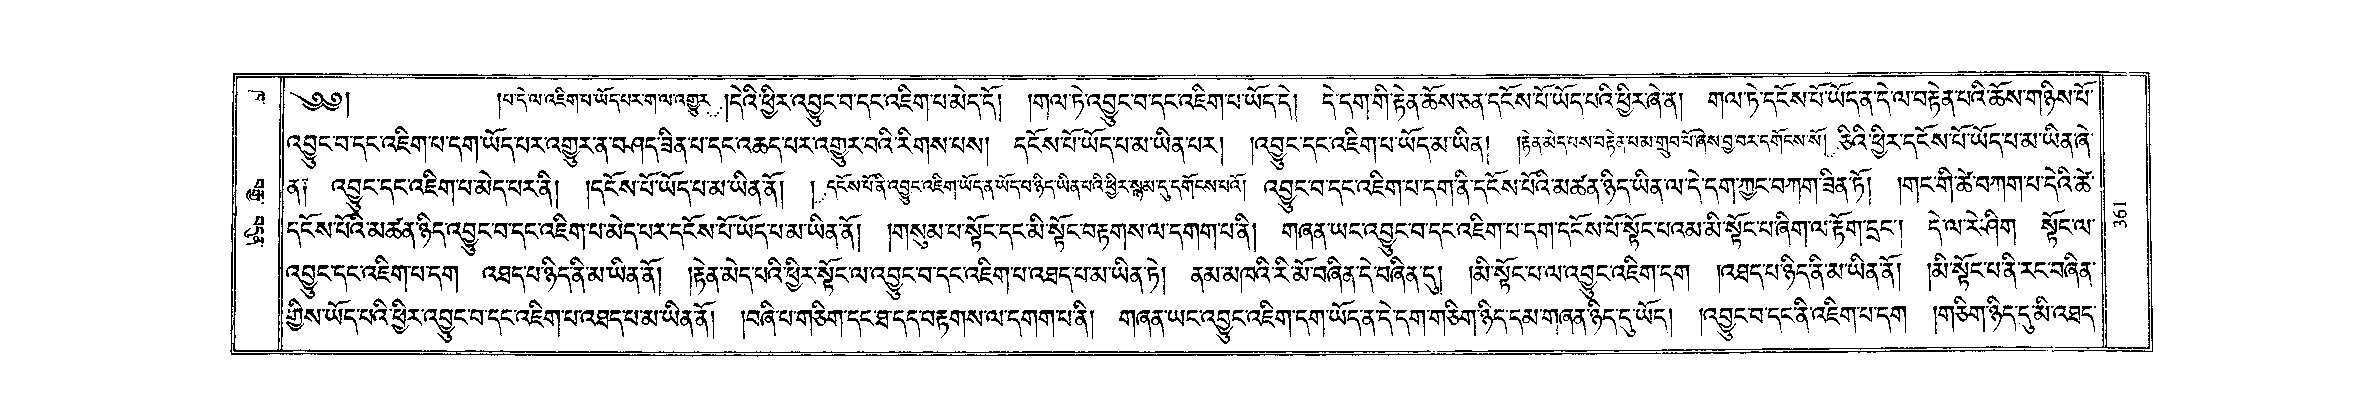༄༅། །པ་དེ་ལ་འཇིག་པ་ཡོད་པར་ག་ལ་འགྱུར་།དེའི་ཕྱིར་འབྱུང་བ་དང་འཇིག་པ་མེད་དོ། །གལ་ཏེ་འབྱུང་བ་དང་འཇིག་པ་ཡོད་དེ། དེ་དག་གི་རྟེན་ཆོས་ཅན་དངོས་པོ་ཡོད་པའི་ཕྱིར་ཞེ་ན། གལ་ཏེ་དངོས་པོ་ཡོད་ན་དེ་ལ་བརྟེན་པའི་ཆོས་གཉིས་པོ་
འབྱུང་བ་དང་འཇིག་པ་དག་ཡོད་པར་འགྱུར་ན་བཤད་ཟིན་པ་དང་འཆད་པར་འགྱུར་བའི་རིགས་པས། དངོས་པོ་ཡོད་པ་མ་ཡིན་པར། །འབྱུང་དང་འཇིག་པ་ཡོད་མ་ཡིན། །རྟེན་མེད་པས་བརྟེན་པ་མ་གྲུབ་པོ་ཞེས་བྱ་བར་དགོངས་སོ།  ཅིའི་ཕྱིར་དངོས་པོ་ཡོད་པ་མ་ཡིན་ཞེ་
ན༑ འབྱུང་དང་འཇིག་པ་མེད་པར་ནི། །དངོས་པོ་ཡོད་པ་མ་ཡིན་ནོ། །དངོས་པོ་ནི་འབྱུང་འཇིག་ཡོད་ན་ཡོད་པ་ཉིད་ཡིན་པའི་ཕྱིར་སྙམ་དུ་དགོངས་པའོ།  འབྱུང་བ་དང་འཇིག་པ་དག་ནི་དངོས་པོའི་མཚན་ཉིད་ཡིན་ལ་དེ་དག་ཀྱང་བཀག་ཟིན་ཏོ། །གང་གི་ཚེ་བཀག་པ་དེའི་ཚེ་
དངོས་པོའི་མཚན་ཉིད་འབྱུང་བ་དང་འཇིག་པ་མེད་པར་དངོས་པོ་ཡོད་པ་མ་ཡིན་ནོ། །གསུམ་པ་སྟོང་དང་མི་སྟོང་བརྟགས་ལ་དགག་པ་ནི། གཞན་ཡང་འབྱུང་བ་དང་འཇིག་པ་དག་དངོས་པོ་སྟོང་པའམ་མི་སྟོང་པ་ཞིག་ལ་རྟོག་དྲང་། དེ་ལ་རེ་ཤིག་སྟོང་ལ་
འབྱུང་དང་འཇིག་པ་དག་ལ་འཐད་པ་ཉིད་ནི་མ་ཡིན་ནོ། །རྟེན་མེད་པའི་ཕྱིར་སྟོང་ལ་འབྱུང་བ་དང་འཇིག་པ་འཐད་པ་མ་ཡིན་ཏེ། ནམ་མཁའི་རི་མོ་བཞིན་དེ་བཞིན་དུ། །མི་སྟོང་པ་ལ་འབྱུང་འཇིག་དག །འཐད་པ་ཉིད་ནི་མ་ཡིན་ནོ། །མི་སྟོང་པ་ནི་རང་བཞིན་
གྱིས་ཡོད་པའི་ཕྱིར་འབྱུང་བ་དང་འཇིག་པ་འཐད་པ་མ་ཡིན་ནོ། །བཞི་པ་གཅིག་དང་ཐ་དད་བརྟགས་ལ་དགག་པ་ནི། གཞན་ཡང་འབྱུང་འཇིག་དག་ཡོད་ན་དེ་དག་གཅིག་ཉིད་དམ་གཞན་ཉིད་དུ་ཡོད། །འབྱུང་བ་དང་ནི་འཇིག་པ་དག །གཅིག་ཉིད་དུ་མི་འཐད་